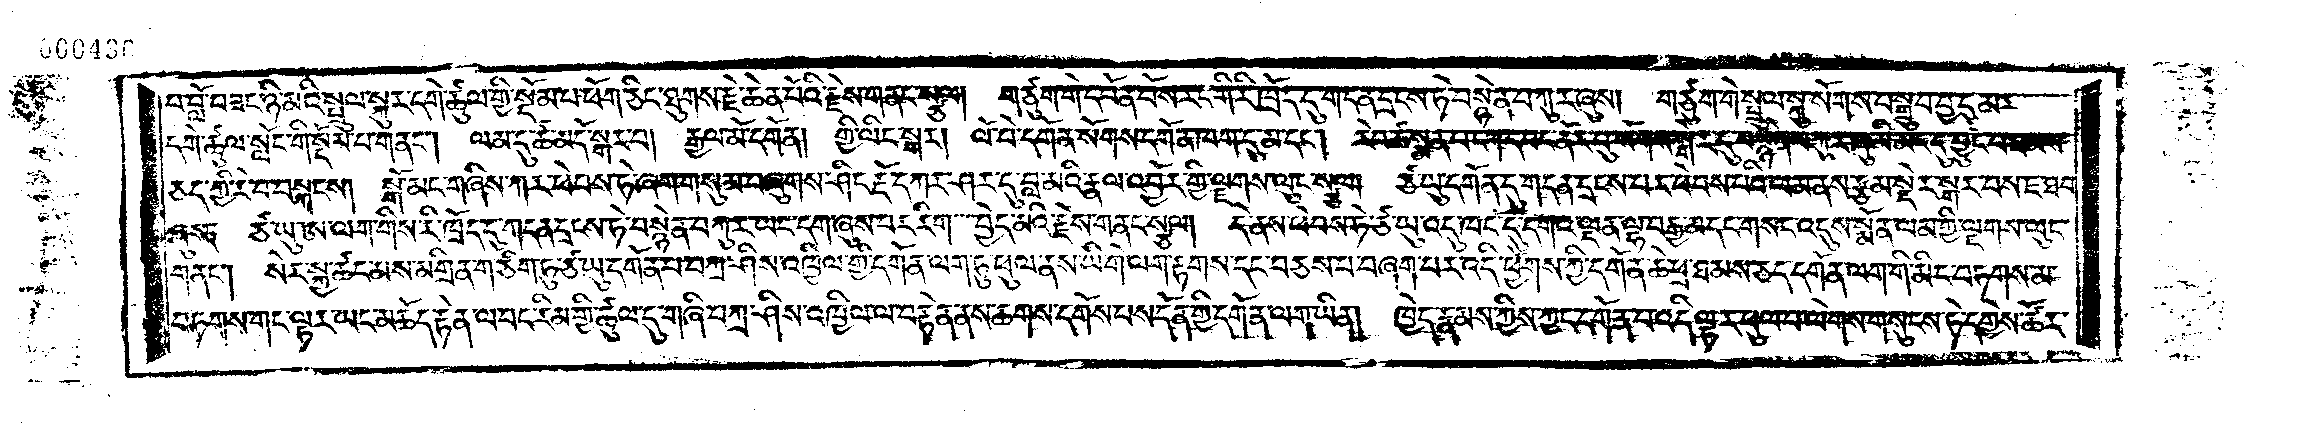པ་བློ་བཟང་ཉི་མའི་སྤྲུལ་སྐུར་དགེ་ཚུལ་གྱི་སྡོམ་པ་ཕོག་ཅིང་ཐུགས་རྗེ་ཆེན་པོའི་རྗེས་གནང་སྩལ། གཙུག་གི་དབོན་པོས་རང་གི་རི་ཁྲོད་དུ་གདན་དྲངས་ཏེ་བསྙེན་བཀུར་ཞུས། གཙུག་གི་སྤྲུལ་སྐུ་སོགས་བསྒྲུབ་བྱ་དུ་མར་
དགེ་ཚུལ་སློང་གི་སྡོམ་པ་གནང་། ལམ་དུ་ཚ་མདོ་སྒར་བ། རྒྱལ་མོ་དགོན། གྱི་ལིང་སྒྲར། ལེ་བེ་དགོན་སོགས་དགོན་ཁག་དུ་མ་དང་། རེབ་ཚ་སྨན་བ་ངག་དབང་ནོར་བུ་སོགས་སྒེར་དུ་བསྙེན་བཀུར་ཞུ་མི་མང་དུ་བྱུང་བ་ཐམས་
ཅད་ཀྱི་རེ་བ་བསྐངས། སྒོ་མང་གཞིས་ཀར་ཕེབས་ཏེ་ཞག་གསུམ་བཞུགས་ཤིང་རྡོ་དཀར་ཤར་དུ་བླ་མའི་རྣལ་འབྱོར་གྱི་ལྗགས་ལུང་སྩལ། ཙ་ཡུ་དགོན་དུ་གདན་དྲངས་པར་ཕེབས་པའི་ལམ་ནས་རྩམ་སྡེར་སྒར་བས་ཇ་ཐབ་
ཞུས༑ ཙ་ཡུ་ཨ་ལག་གིས་རི་ཁྲོད་དུ་གདན་དྲངས་ཏེ་བསྙེན་བཀུར་ཡང་དག་ཞུས་པར་རིག་བྱེད་མའི་རྗེས་གནང་སྩལ། དེ་ནས་ཕེབས་ཏེ་ཙ་ཡུ་འདུ་ཁང་དུ་དགའ་ལྡན་ལྷ་བརྒྱ་མ་དང་གསང་འདུས་སྨོན་ལམ་གྱི་ལྗགས་ལུང་
གནང་། སེར་སྐྱ་ཚང་མས་མགྲིན་གཅིག་ཏུ་ཙ་ཡུ་དགོན་པ་བཀྲ་ཤིས་འཁྱིལ་གྱི་དགོན་ལག་ཏུ་ཕུལ་ནས་ཡི་གེ་ལག་རྟགས་དང་བཅས་པ་བཞག་པར་འདི་ཕྱོགས་ཀྱི་དགོན་ཆེ་ཕྲ་ཐམས་ཅད་དགོན་ལག་གི་མིང་བཏགས་མ་
བཏགས་གང་ལྟར་ཡང་མཆོད་རྟེན་ལ་བང་རིམ་གྱི་ཚུལ་དུ་གཞི་བཀྲ་ཤིས་འཁྱིལ་ལ་བརྟེན་ནས་ཆགས་དགོས་པས་དོན་གྱི་དགོན་ལག་ཡིན། ཁྱེད་རྣམས་ཀྱིས་ཀྱང་དགོན་པ་འདི་ལྟར་ཕུལ་བ་ལེགས་གསུངས་ཏེ་དགྱེས་ཚོར་